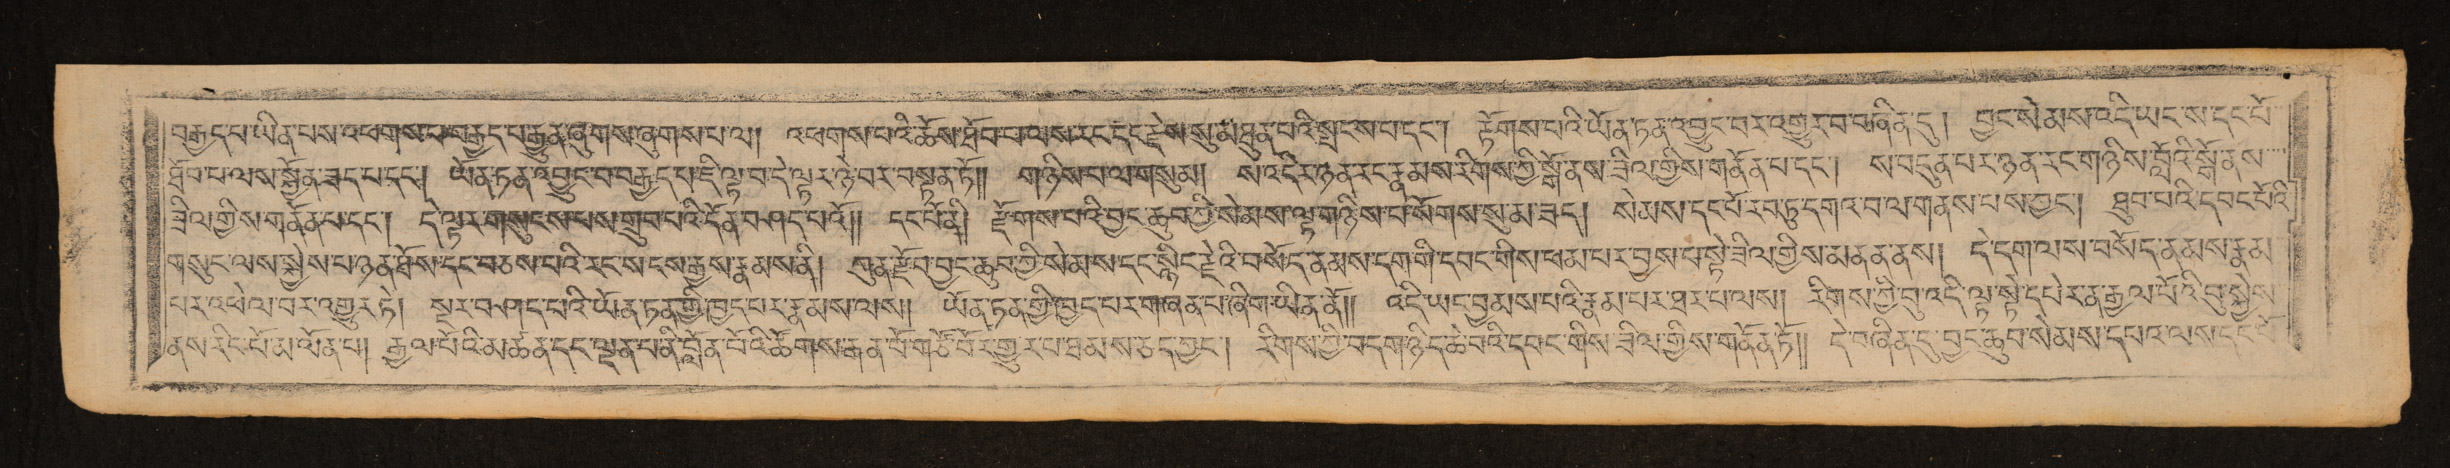བརྒྱད་པ་ཡིན་པས་འཕགས་པ་བརྒྱད་པ་རྒྱུན་ཞུགས་ཞུགས་པ་ལ། འཕགས་པའི་ཆོས་ཐོབ་པ་ལས་རང་དང་རྗེས་སུ་མཐུན་པའི་སྤངས་པ་དང་། རྟོགས་པའི་ཡོན་ཏན་འབྱུང་བར་འགྱུར་བ་བཞིན་དུ། བྱང་སེམས་འདི་ཡང་ས་དང་པོ་
ཐོབ་པ་ལས་སྐྱོན་ཟད་པ་དང་། ཡོན་ཏན་འབྱུང་བ་བརྒྱད་པ་ཇི་ལྟ་བ་དེ་ལྟར་ཉེ་བར་བསྟན་ཏོ།། གཉིས་པ་ལ་གསུམ། ས་འདིར་ཉན་རང་རྣམས་རིགས་ཀྱི་སྒོ་ནས་ཟིལ་གྱིས་གནོན་པ་དང་། ས་བདུན་པར་ཉན་རང་གཉིས་བློའི་སྒོ་ནས་
ཟིལ་གྱིས་གནོན་པ་དང་། དེ་ལྟར་གསུངས་པས་གྲུབ་པའི་དོན་བཤད་པའོ།། དང་པོ་ནི། རྫོགས་པའི་བྱང་ཆུབ་ཀྱི་སེམས་ལྟ་གཉིས་པ་སོགས་སུ་མ་ཟད། སེམས་དང་པོ་རབ་ཏུ་དགའ་བ་ལ་གནས་པས་ཀྱང་། ཐུབ་པའི་དབང་པོའི་
གསུང་ལས་སྐྱེས་པ་ཉན་ཐོས་དང་བཅས་པའི་རང་སངས་རྒྱས་རྣམས་ནི། ཀུན་རྫོབ་བྱང་ཆུབ་ཀྱི་སེམས་དང་སྙིང་རྗེའི་བསོད་ནམས་དག་གི་དབང་གིས་ཕམ་པར་བྱས་པ་སྟེ་ཟིལ་གྱིས་མནན་ནས། དེ་དག་ལས་བསོད་ནམས་རྣམ་
པར་འཕེལ་བར་འགྱུར་ཏེ། སྔར་བཤད་པའི་ཡོན་ཏན་གྱི་ཁྱད་པར་རྣམས་ལས། ཡོན་ཏན་གྱི་ཁྱད་པར་གཞན་པ་ཅིག་ཡིན་ནོ།། འདི་ཡང་བྱམས་པའི་རྣམ་པར་ཐར་པ་ལས། རིགས་ཀྱི་བུ་འདི་ལྟ་སྟེ་དཔེར་ན་རྒྱལ་པོའི་བུ་སྐྱེས་
ནས་རིང་པོ་མ་ལོན་པ། རྒྱལ་པོའི་མཚན་དང་ལྡན་པ་ནི་བློན་པོའི་ཚོགས་རྒན་པོ་གཙོ་བོར་གྱུར་པ་ཐམས་ཅད་ཀྱང་། རིགས་ཀྱི་བདག་ཉིད་ཆེ་བའི་དབང་གིས་ཟིལ་གྱིས་གནོན་ཏོ།། དེ་བཞིན་དུ་བྱང་ཆུབ་སེམས་དཔའ་ལས་དང་པོ་